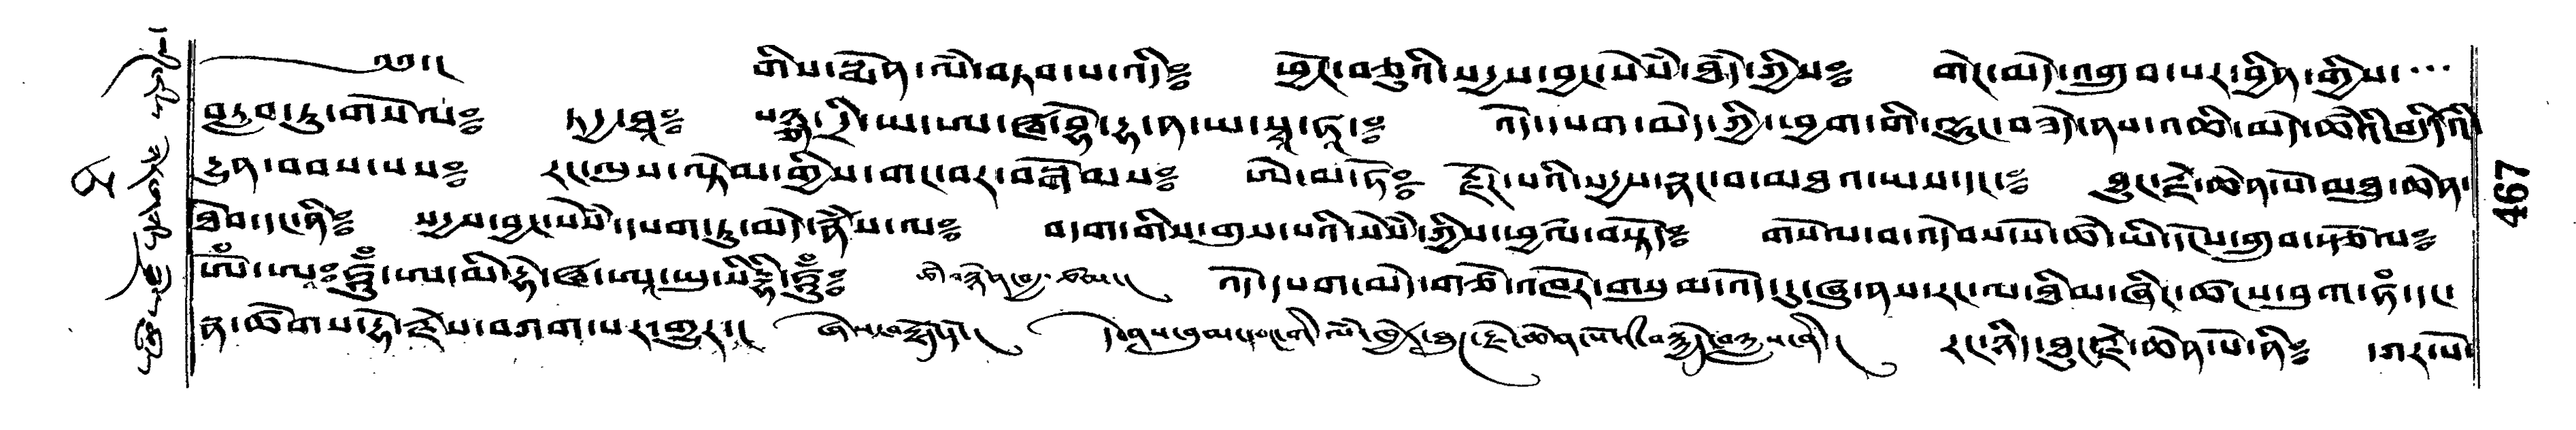གིས་སྨོན་ལམ་བཏབ་པ་འདི༔ ཕྱོགས་བཅུའི་སངས་རྒྱས་བྱང་སེམས་ཐམས་ཅད་ཀྱིས༔ གེགས་མེད་འགྲུབ་པར་བྱིན་གྱིས་
བརླབ་ཏུ་གསོལ༔ ཏདྱ་ཐཱ༔ པཉྩ་དྲི་ཡ་ཨ་ཝ་བྷོ་དྷ་ན་ཡེ་སྭ་ཧཱ༔ འོད་དཔག་མེད་ཀྱི་ཕྱག་གི་ལྷུང་བཟེད་ནས་འཆི་མེད་ཚེའི་བདུད་རྩིའི་
རྒྱུན་བབས་པས༔ རང་ལུས་ལྟེམ་གྱིས་གང་བར་བསྒོམ༔ ཨེ་མ་ཧོ༔ རྗོགས་པའི་སངས་རྒྱས་སྣང་བ་མཐའ་ཡས་དང༔ ཐུགས་རྗེ་ཆེན་པོ་མཐུ་ཆེན་
ཐོབ་དང་ནི༔ སངས་རྒྱས་བྱང་སེམས་དཔག་ཏུ་མེད་རྣམས་ལ༔ བདག་གིས་གུས་པའི་སེམས་ཀྱིས་ཕྱག་འཚལ་བསྟོད༔ གསོལ་བ་འདེབས་སོ་ཚེ་ཡི་དངོས་གྲུབ་སྩོལ༔ 
ཨོཾ་ཨཱཿཧཱུྃ་ཨ་མི་དྷི་ཝ་ཨཱ་ཡུ་སིདྡྷི་ཧཱུྃ༔ ཚེ་བསྙེན་བརྒྱ་ཙམ། འོད་དཔག་མེད་གཙོ་འཁོར་གསུམ་འོད་དུ་ཞུ་ནས་རང་ལ་ཐིམ་ཞིང་ཚངས་བུག་ཧཾ་དང་
སྣ་ཚོགས་རྡོ་རྗེས་བཀག་པར་གྱུར། ཅེས་བརྗོད་དོ། དེ་ནས་བུམ་དབང་གི་ལམ་ཁྱེར་ཐུགས་རྗེ་ཆེན་པོའི་བསྐྱེད་བཟླས་ནི། རང་ཉིད་ཐུགས་རྗེ་ཆེ་པོ་ནི༔ དཀར་པོ་